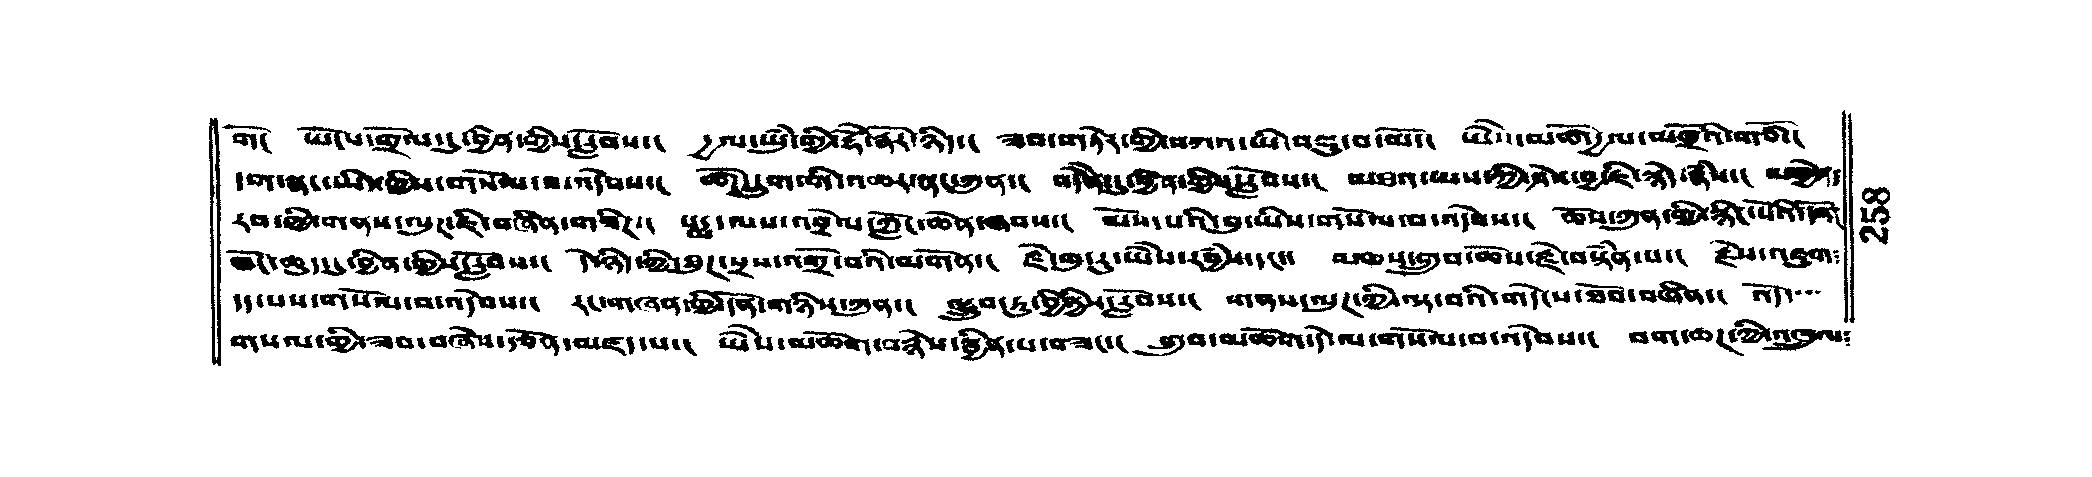གོ །ཡོངས་གྲོལ་དུ་བྱིན་གྱིས་རློབས། །རྒྱལ་ཡུམ་གྱི་རྡོ་རྗེ་རྣལ་འབྱོར་ཉིད། །ཟབ་གཏེར་གྱི་བཀའ་ཡི་བསྡུད་བ་མོ། །ཡེ་ཤེས་མཚོ་རྒྱལ་མཁའ་འགྲོའི་གཙོ། །
དག་སྣང་ཡིད་ཀྱིས་གསོལ་བ་འདེབས། །ཚོགས་དྲུག་གི་འཆར་སྣང་ཀུན། །བདེ་ཆེན་དུ་བྱིན་གྱིས་རློབས། །མཐའ་ཡས་ཀྱི་ཤེས་བྱ་ཇི་སྙེད་རྣམས། །མཁྱེན་
རབ་ཀྱི་གནས་ལུགས་ཇི་བཞིན་གཟིགས། །པདྨ་ལས་འབྲེལ་ཀློང་ཆེན་ཞབས། །མོས་པའི་བུ་ཡིས་གསོལ་བ་འདེབས། །ཆོས་ཀུན་གྱི་སྙིང་པོའི་དོན། །
ཁོང་ཆུད་དུ་བྱིན་གྱིས་རློབས། །དེ་ཉིད་ཀྱི་ཐུགས་སྲས་འགྲོ་བའི་མགོན། །རྗེ་གུ་རུ་ཡེ་ཤེས་རབ་འབྱམས་དང་། །མཁས་གྲུབ་ཆོས་རྗེ་བསམ་གཏན་པ། །རྗེས་འཇུག་
དད་པས་གསོལ་བ་འདེབས། །རང་གཞན་གྱི་དོན་གཉིས་ཀུན། །ལྷུན་གྲུབ་ཏུ་བྱིན་གྱིས་རློབས། །གནས་ལུགས་ཀྱི་ལྟ་བའི་གདེངས་ཐོབ་བཞིན། །འོད་
གསལ་གྱི་ཟབ་བཞེས་བརྩོན་མཛད་པ། །ཡེ་ཤེས་མཆོག་བརྙེས་སྦྱིན་པ་བཟང་། །གྲུབ་མཆོག་དེ་ལ་གསོལ་བ་འདེབས། །བག་ཆགས་ཀྱི་འཁྲུལ་